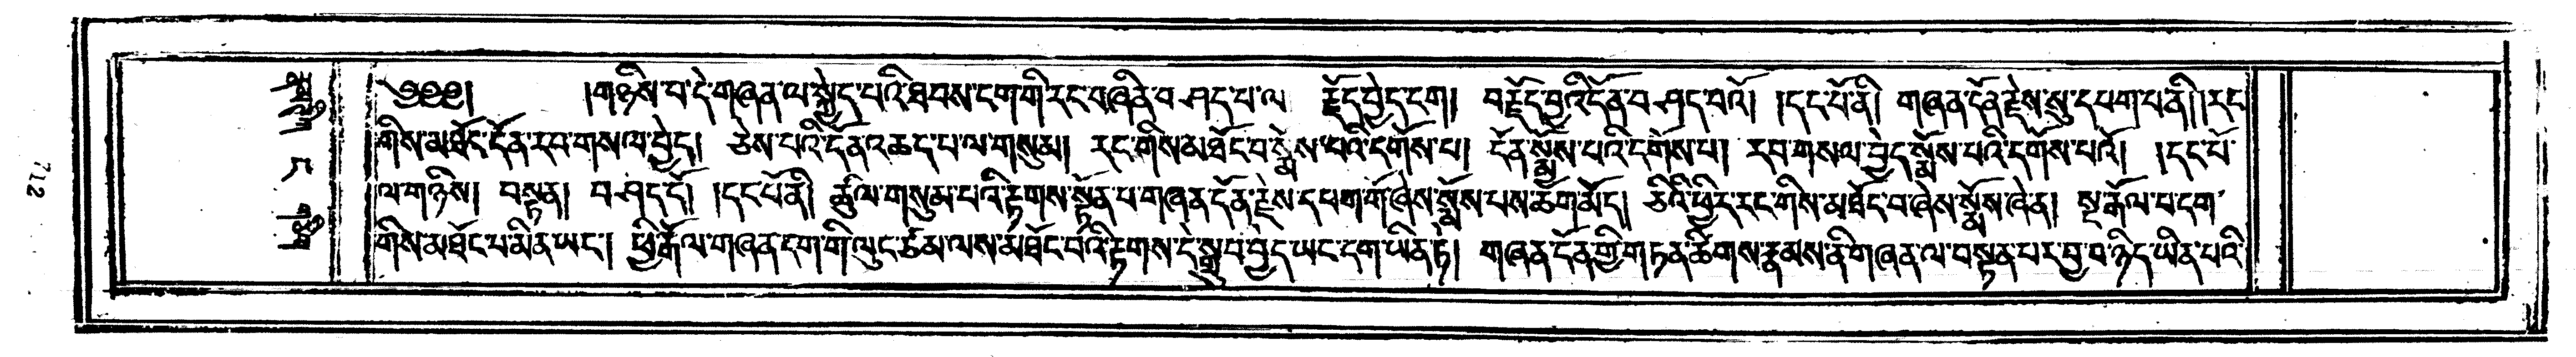༄༅༅། །གཉིས་པ་དེ་གཞན་ལ་སྐྱེད་པའི་ཐབས་ངག་གི་རང་བཞིན་བཤད་པ་ལ། རྗོད་བྱེད་ངག། བརྗོད་བྱའི་དོན་བཤད་བའོ། །དང་པོ་ནི། གཞན་དོན་རྗེས་སུ་དཔག་པ་ནི། །རང་
གིས་མཐོང་དོན་རབ་གསལ་བྱེད། ཅེས་པའི་དོན་འཆད་པ་ལ་གསུམ། རང་གིས་མཐོང་བ་སྨོས་པའི་དགོས་པ། དོན་སྨྱོས་པའི་དགོས་པ། རབ་གསལ་བྱེད་སྨོས་པའི་དགོས་པའོ། །དང་པོ་
ལ་གཉིས། བསྟན། བཤད་དོ། །དང་པོ་ནི། ཚུལ་གསུམ་པའི་རྟགས་སྟོན་པ་གཞན་དོན་རྗེས་དཔག་གོ་ཞེས་སྨོས་པས་ཆོག་མོད། ཅིའི་ཕྱིར་རང་གིས་མཐོང་བ་ཞེས་སྨོས་ཞེ་ན། སྔ་རྒོལ་བ་དག་
གིས་མཐོང་བ་མིན་ཡང་། ཕྱི་རྒོལ་གཞན་དག་གི་ལུང་ཙམ་ལས་མཐོང་བའི་རྟགས་དེ་སྒྲུབ་བྱེད་ཡང་དག་ཡིན་ཏེ། གཞན་དོན་གྱི་གཏན་ཚིགས་རྣམས་ནི་གཞན་ལ་བསྟན་པར་བྱ་བ་ཉིད་ཡིན་པའི་